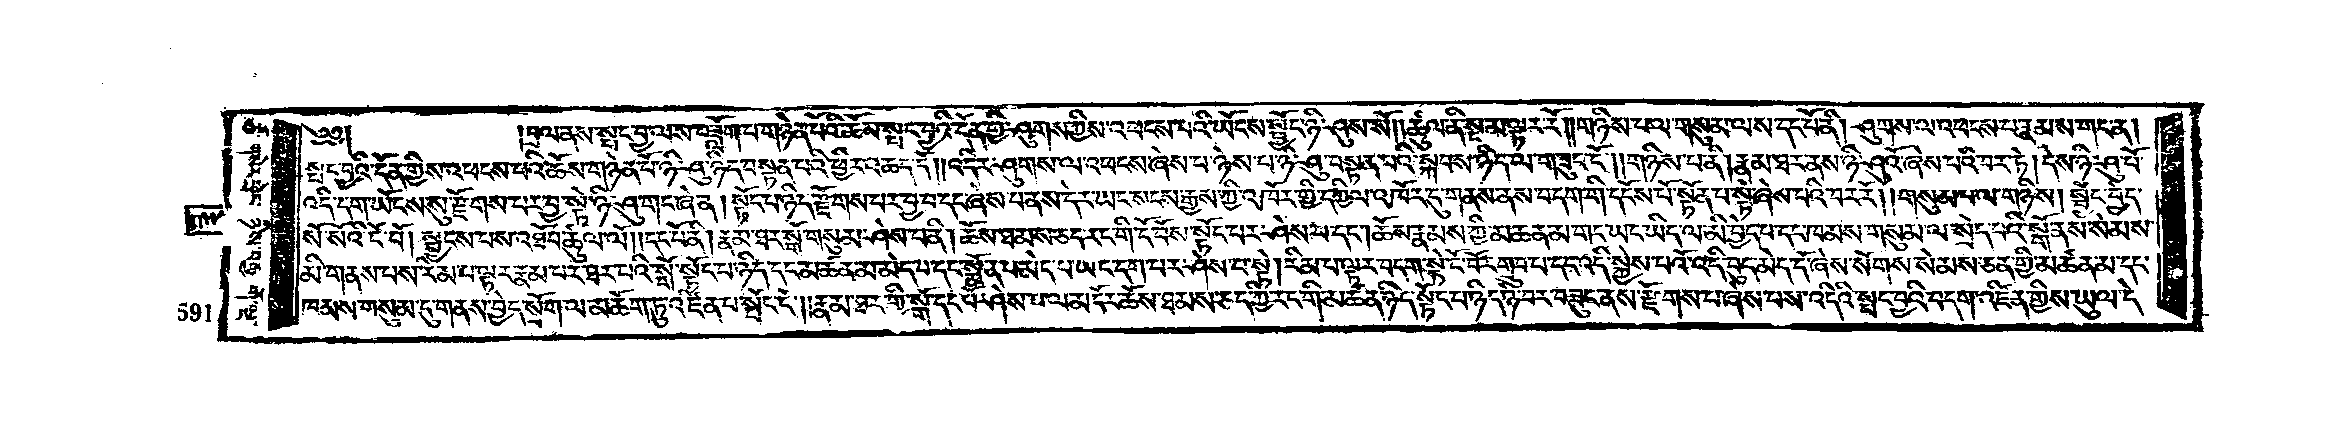༄༅། །བྲལ་ནས་སྤང་བྱ་ལས་བཟློག་པ་གཉེན་པོའི་ཆོས་སྤང་བྱའི་དོན་གྱི་ཤུགས་ཀྱིས་འཕངས་པའི་ཡོངས་སྤྱོད་ཉི་ཤུས་སོ། །ཚུལ་ནི་སྔ་མ་ལྟར་རོ། །གཉིས་པ་ལ་གསུམ་ལས་དང་པོ་ནི། ཤུགས་ལ་འཕངས་པ་རྣམས་གང་ན།
སྤང་བྱའི་དོན་གྱིས་འཕངས་པའི་ཆོས་གཉེན་པོ་ཉི་ཤུ་ཉིད་བསྟན་པའི་ཕྱིར་འཆད་དོ། །འདིར་ཤུགས་ལ་འཕངས་ཞེས་པ་ཉེས་པ་ཉི་ཤུ་བསྟན་པའི་སྐབས་ཉིད་ལ་གཟུང་ངོ། །གཉིས་པ་ནི། རྣམ་ཐར་ནས་ཉི་ཤུའོ་ཞེས་པའི་བར་ཏེ། དེས་ཉི་ཤུ་པོ་
འདི་དག་ཡོངས་སུ་རྫོགས་པར་བྱ་སྟེ་ཉི་ཤུ་གང་ཞེ་ན། སྟོང་པ་ཉིད་རྫོགས་པར་བྱ་བ་དང་ཞེས་པ་ནས་དེར་ཡང་སངས་རྒྱས་ཀྱི་འཁོར་གྱི་དཀྱིལ་འཁོར་དུ་གནས་ནས་བདག་གི་དངོས་པོ་སྟོན་པ་སྟེ་ཞེས་པའི་བར་རོ། །གསུམ་པ་ལ་གཉིས། སྦྱོང་བྱེད་
སོ་སོའི་ངོ་བོ། སྦྱངས་པས་འཐོབ་ཚུལ་ལོ། །དང་པོ་ནི། རྣམ་ཐར་སྒོ་གསུམ་ཤེས་པ་ནི། ཆོས་ཐམས་ཅད་རང་གི་ངོ་བོས་སྟོང་པར་ཤེས་པ་དང་། ཆོས་རྣམས་ཀྱི་མཚན་མ་གང་ཡང་ཡིད་ལ་མི་བྱེད་པ་དང་ཁམས་གསུམ་ལ་སྲེད་པའི་སྒོ་ནས་སེམས་
མི་གནས་པས་རིམ་པ་ལྟར་རྣམ་པར་ཐར་པའི་སྒོ་སྟོང་པ་ཉིད་དང་མཚན་མ་མེད་པ་དང་སྨོན་པ་མེད་པ་ཡང་དག་པར་ཤེས་པ་སྟེ། རིམ་པ་ལྟར་བདག་སྟེ་ངོ་བོར་གྲུབ་པ་དང་འདི་སྐྱེས་པའོ་འདི་བུད་མེད་དོ་ཞེས་སོགས་སེམས་ཅན་གྱི་མཚན་མ་དང་
ཁམས་གསུམ་དུ་གནས་བྱེད་སྲོག་ལ་མཆོག་ཏུ་འཛིན་པ་སྤོང་ངོ། །རྣམ་ཐར་གྱི་སྒོ་དང་པོ་ཤེས་པ་ལ་མདོར་ཆོས་ཐམས་ཅད་ཀྱི་རང་གི་མཚན་ཉིད་སྟོང་པ་ཉིད་ཉེ་བར་བཟུང་ནས་རྫོགས་པ་ཞེས་པས་འདིའི་སྤང་བྱའི་བདག་འཛིན་གྱིས་ཡུལ་དེ་